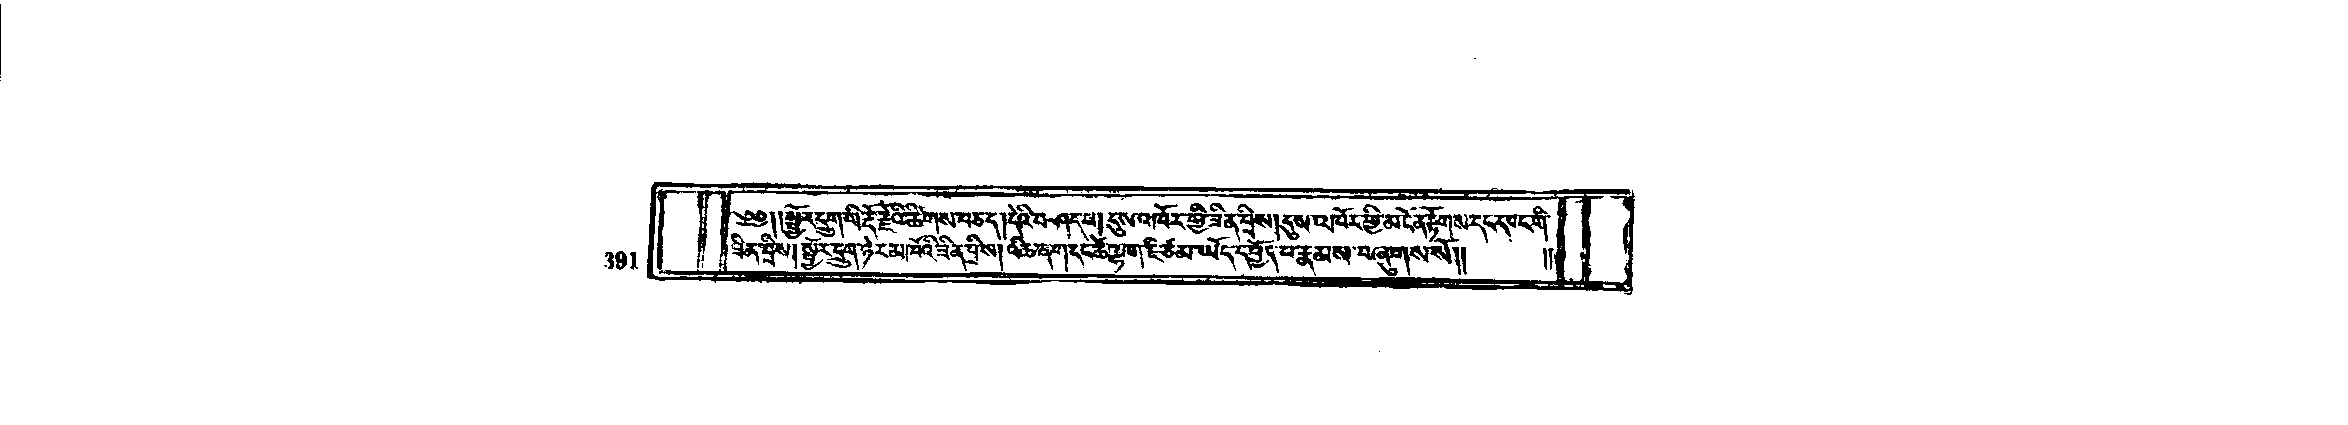༄༅། །སྦྱོར་དྲུག་གི་རྡོ་རྗེའི་ཚིགས་བཅད། དེའི་བཤད་པ། དུས་འཁོར་གྱི་ཟིན་བྲིས། དུས་འཁོར་གྱི་མངོན་རྟོགས་དང་དབང་གི་
ཟིན་བྲིས། སྦྱོར་དྲུག་ཉེར་མཁོའི་ཟིན་བྲིས། འཆི་ཞག་དང་ཚེ་ལྷག་ཇི་ཙམ་ཡོད་དཔྱོད་པ་རྣམས་བཞུགས་སོ།། །།